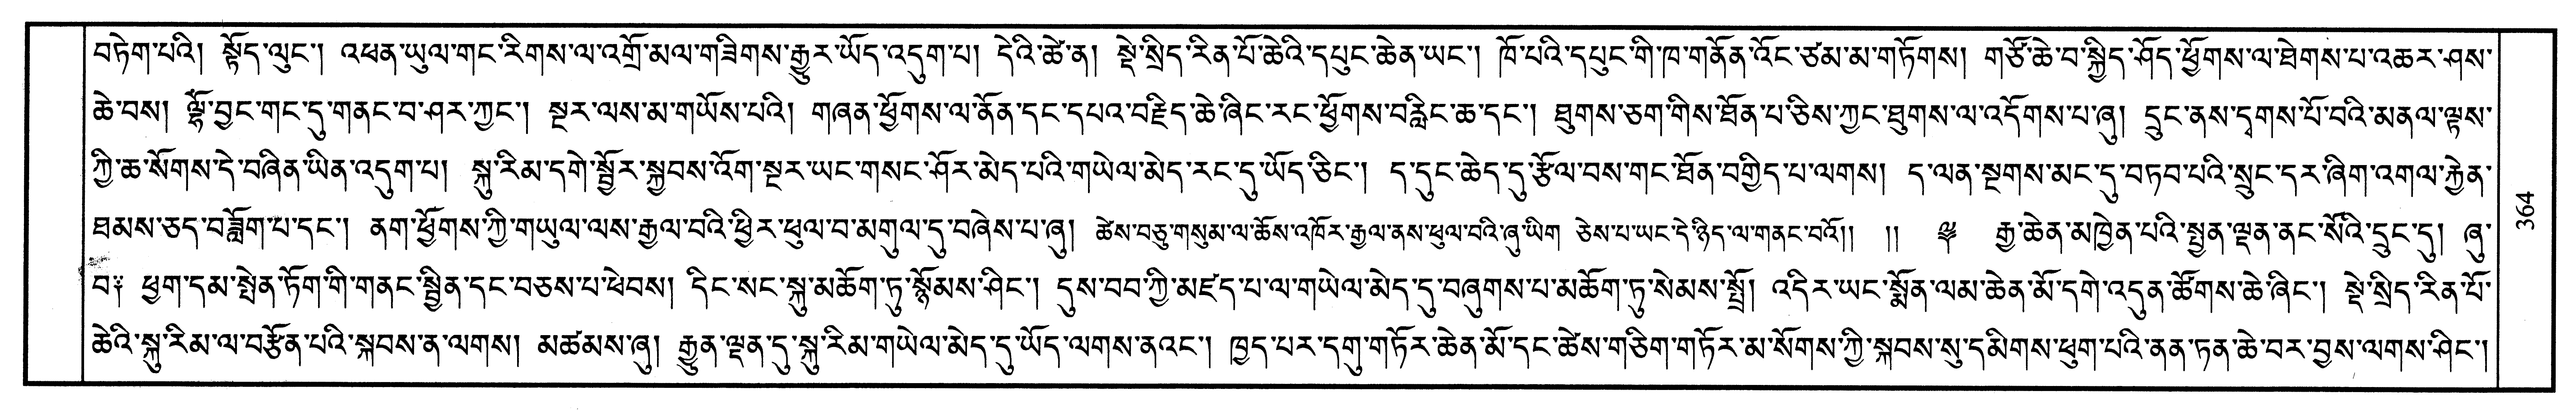བཏེག་པའི། སྟོད་ལུང་། འཕན་ཡུལ་གང་རིགས་ལ་འགྲོ་མལ་གཟིགས་རྒྱུར་ཡོད་འདུག་པ། དེའི་ཚེ་ན། སྡེ་སྲིད་རིན་པོ་ཆེའི་དཔུང་ཆེན་ཡང་། ཁོ་པའི་དཔུང་གི་ཁ་གནོན་འོང་ཙམ་མ་གཏོགས། གཙོ་ཆེ་བ་སྐྱིད་ཤོད་ཕྱོགས་ལ་ཐེག་པ་འཆར་ཤས་
ཆེ་བས། ལྷོ་བྱང་གང་དུ་གནང་བ་ཤར་ཀྱང་། སྔར་ལས་མ་གཡོས་པའི། གཞན་ཕྱོགས་ལ་ནོན་དང་དཔའ་བརྗིད་ཆེ་ཞིང་རང་ཕྱོགས་བརླིང་ཆ་དང་། ཐུགས་ཅག་གིས་ཐོན་པ་ཅིས་ཀྱང་ཐུགས་ལ་འདོགས་པ་ཞུ། དྲུང་ནས་དྭགས་པོ་བའི་མནལ་ལྟས་
ཀྱི་ཆ་སོགས་དེ་བཞིན་ཡིན་འདུག་པ། སྐུ་རིམ་དགེ་སྦྱོར་སྐྱབས་འོག་སྔར་ཡང་གསང་ཤོར་མེད་པའི་གཡེལ་མེད་རང་དུ་ཡོད་ཅིང་། ད་དུང་ཆེད་དུ་རྩོལ་བས་གང་ཐོན་བགྱིད་པ་ལགས། ད་ལན་སྔགས་མང་དུ་བཏབ་པའི་སྲུང་དར་ཞིག་འགལ་རྐྱེན་
ཐམས་ཅད་བཟློག་པ་དང་། ནག་ཕྱོགས་ཀྱི་གཡུལ་ལས་རྒྱལ་བའི་ཕྱིར་ཕུལ་བ་མགུལ་དུ་བཞེས་པ་ཞུ། ཚེས་བཅུ་གསུམ་ལ་ཆོས་འཁོར་རྒྱལ་ནས་ཕུལ་བའི་ཞུ་ཡིག་ཅེས་པ་ཡང་དེ་ཉིད་ལ་གནང་བའོ།། །། ༈ རྒྱ་ཆེན་མཁྱེན་པའི་སྤྱན་ལྡན་ནང་སོའི་དྲུང་དུ། ཞུ་
བ༑ ཕྱག་དམ་སྤེན་ཏོག་གི་གནང་སྦྱིན་དང་བཅས་པ་ཕེབས། དིང་སང་སྐུ་མཆོག་ཏུ་སྙོམས་ཤིང་། དུས་བབ་ཀྱི་མཛད་པ་ལ་གཡེལ་མེད་དུ་བཞུགས་པ་མཆོག་ཏུ་སེམས་སྤྲོ། འདིར་ཡང་སྨོན་ལམ་ཆེན་མོ་དགེ་འདུན་ཚོགས་ཆེ་ཞིང་། སྡེ་སྲིད་རིན་པོ་
ཆེའི་སྐུ་རིམ་ལ་བརྩོན་པའི་སྐབས་ན་ལགས། མཚམས་ཞུ། རྒྱུན་ལྡན་དུ་སྐུ་རིམ་གཡེལ་མེད་དུ་ཡོད་ལགས་ནའང་། ཁྱད་པར་དགུ་གཏོར་ཆེན་མོ་དང་ཚེས་གཅིག་གཏོར་མ་སོགས་ཀྱི་སྐབས་སུ་དམིགས་ཕུག་པའི་ནན་ཏན་ཆེ་བར་བྱས་ལགས་ཤིང་།